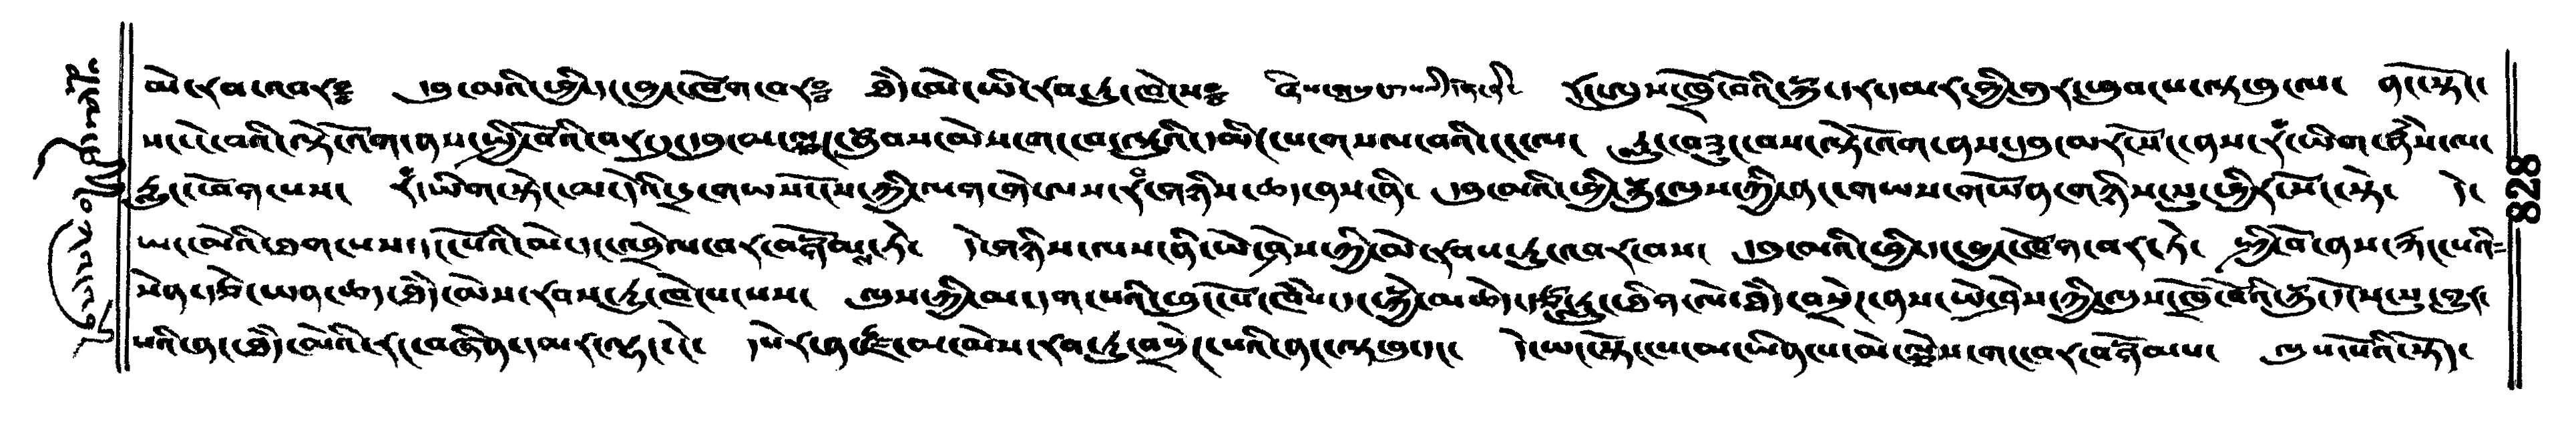མེ་རབ་འབར༔ དབུ་མའི་ཕྱི་དང་བྱང་ཁོག་བར༔ ཐམས་ཅད་མེ་ཡི་རབ་ཏུ་ཁེངས༔ ཞེས་གསུངས་པའི་དོན་ནི། རང་ལུས་ཁྲོ་བོའི་སྐུ་དར་དམར་གྱི་གུར་ཕུབ་པ་ལྟ་བུ་ལ། ནང་སྟོང་
སང་ངེ་བའི་ལྟེ་འོག་ནས་སྤྱི་བོའི་བར་དུ་དབུ་མ་ལྕགས་སྦུབས་མེས་གང་བ་ལྟ་བུའི་དམིགས་པ་གསལ་བའི་ངང་ལ། རླུང་བཟུང་བས་ལྟེ་འོག་ནས་དབུ་མར་སོང་ནས་རྃ་ཡིག་རྣམས་ལ་
རླུང་ཕོག་པས། རྃ་ཡིག་སྟེང་མ་དེའི་དྲ་གཡས་ངོས་ཀྱི་ལག་གེ་ལས་རྃ་གཉིས་ཆད་ནས་ནི། དབུ་མའི་ཕྱི་སྐུ་ལུས་ཀྱི་ནང་གཡས་གཡོན་གཉིས་སུ་ཕྱིར་སོང་སྟེ། དེ་
ཡང་མེའི་ཐག་པས་དང་པོའི་མེ་དང་འབྲེལ་བར་བསྒོམས་ཏེ། དེ་གཉིས་ལས་ནི་ཡེ་ཤེས་ཀྱི་མེ་རབ་ཏུ་འབར་བས། དབུ་མའི་ཕྱི་དག་བྱང་ཁོག་བར་ཏེ། སྤྱི་བོ་ནས་རྐང་པའི་
སེན་རྩེ་ཡན་ཆད་ཐམས་ཅད་མེས་རབ་ཏུ་ཁེངས་པས། ལུས་ཀྱི་མ་དང་པའི་ཕུང་པོ་ཁམས་དག་སྐྱེ་མཆེད་རྩ་རླུང་ཐིག་ལེ་ཐམས་ཅད་བསྲེགས་ནས་ཡེ་ཤེས་ཀྱི་ལུས་ཁྲོ་བོའི་སྐུ་དངོས་སུ་གྱུར་
པའི་ནང་ཐམས་ཅད་མེའི་རང་བཞིན་དམར་ལྷང་ངེ་། དཔེར་ན་རྫ་མ་མེས་རབ་ཏུ་བསྲེགས་པའི་ནང་ལྟ་བུ་དང་། དེ་ཡང་སྟོང་པ་མ་ཡིན་པ་མེ་ལྕེས་གང་བར་བསྒོམ། ལུས་པོའི་སྟོད་